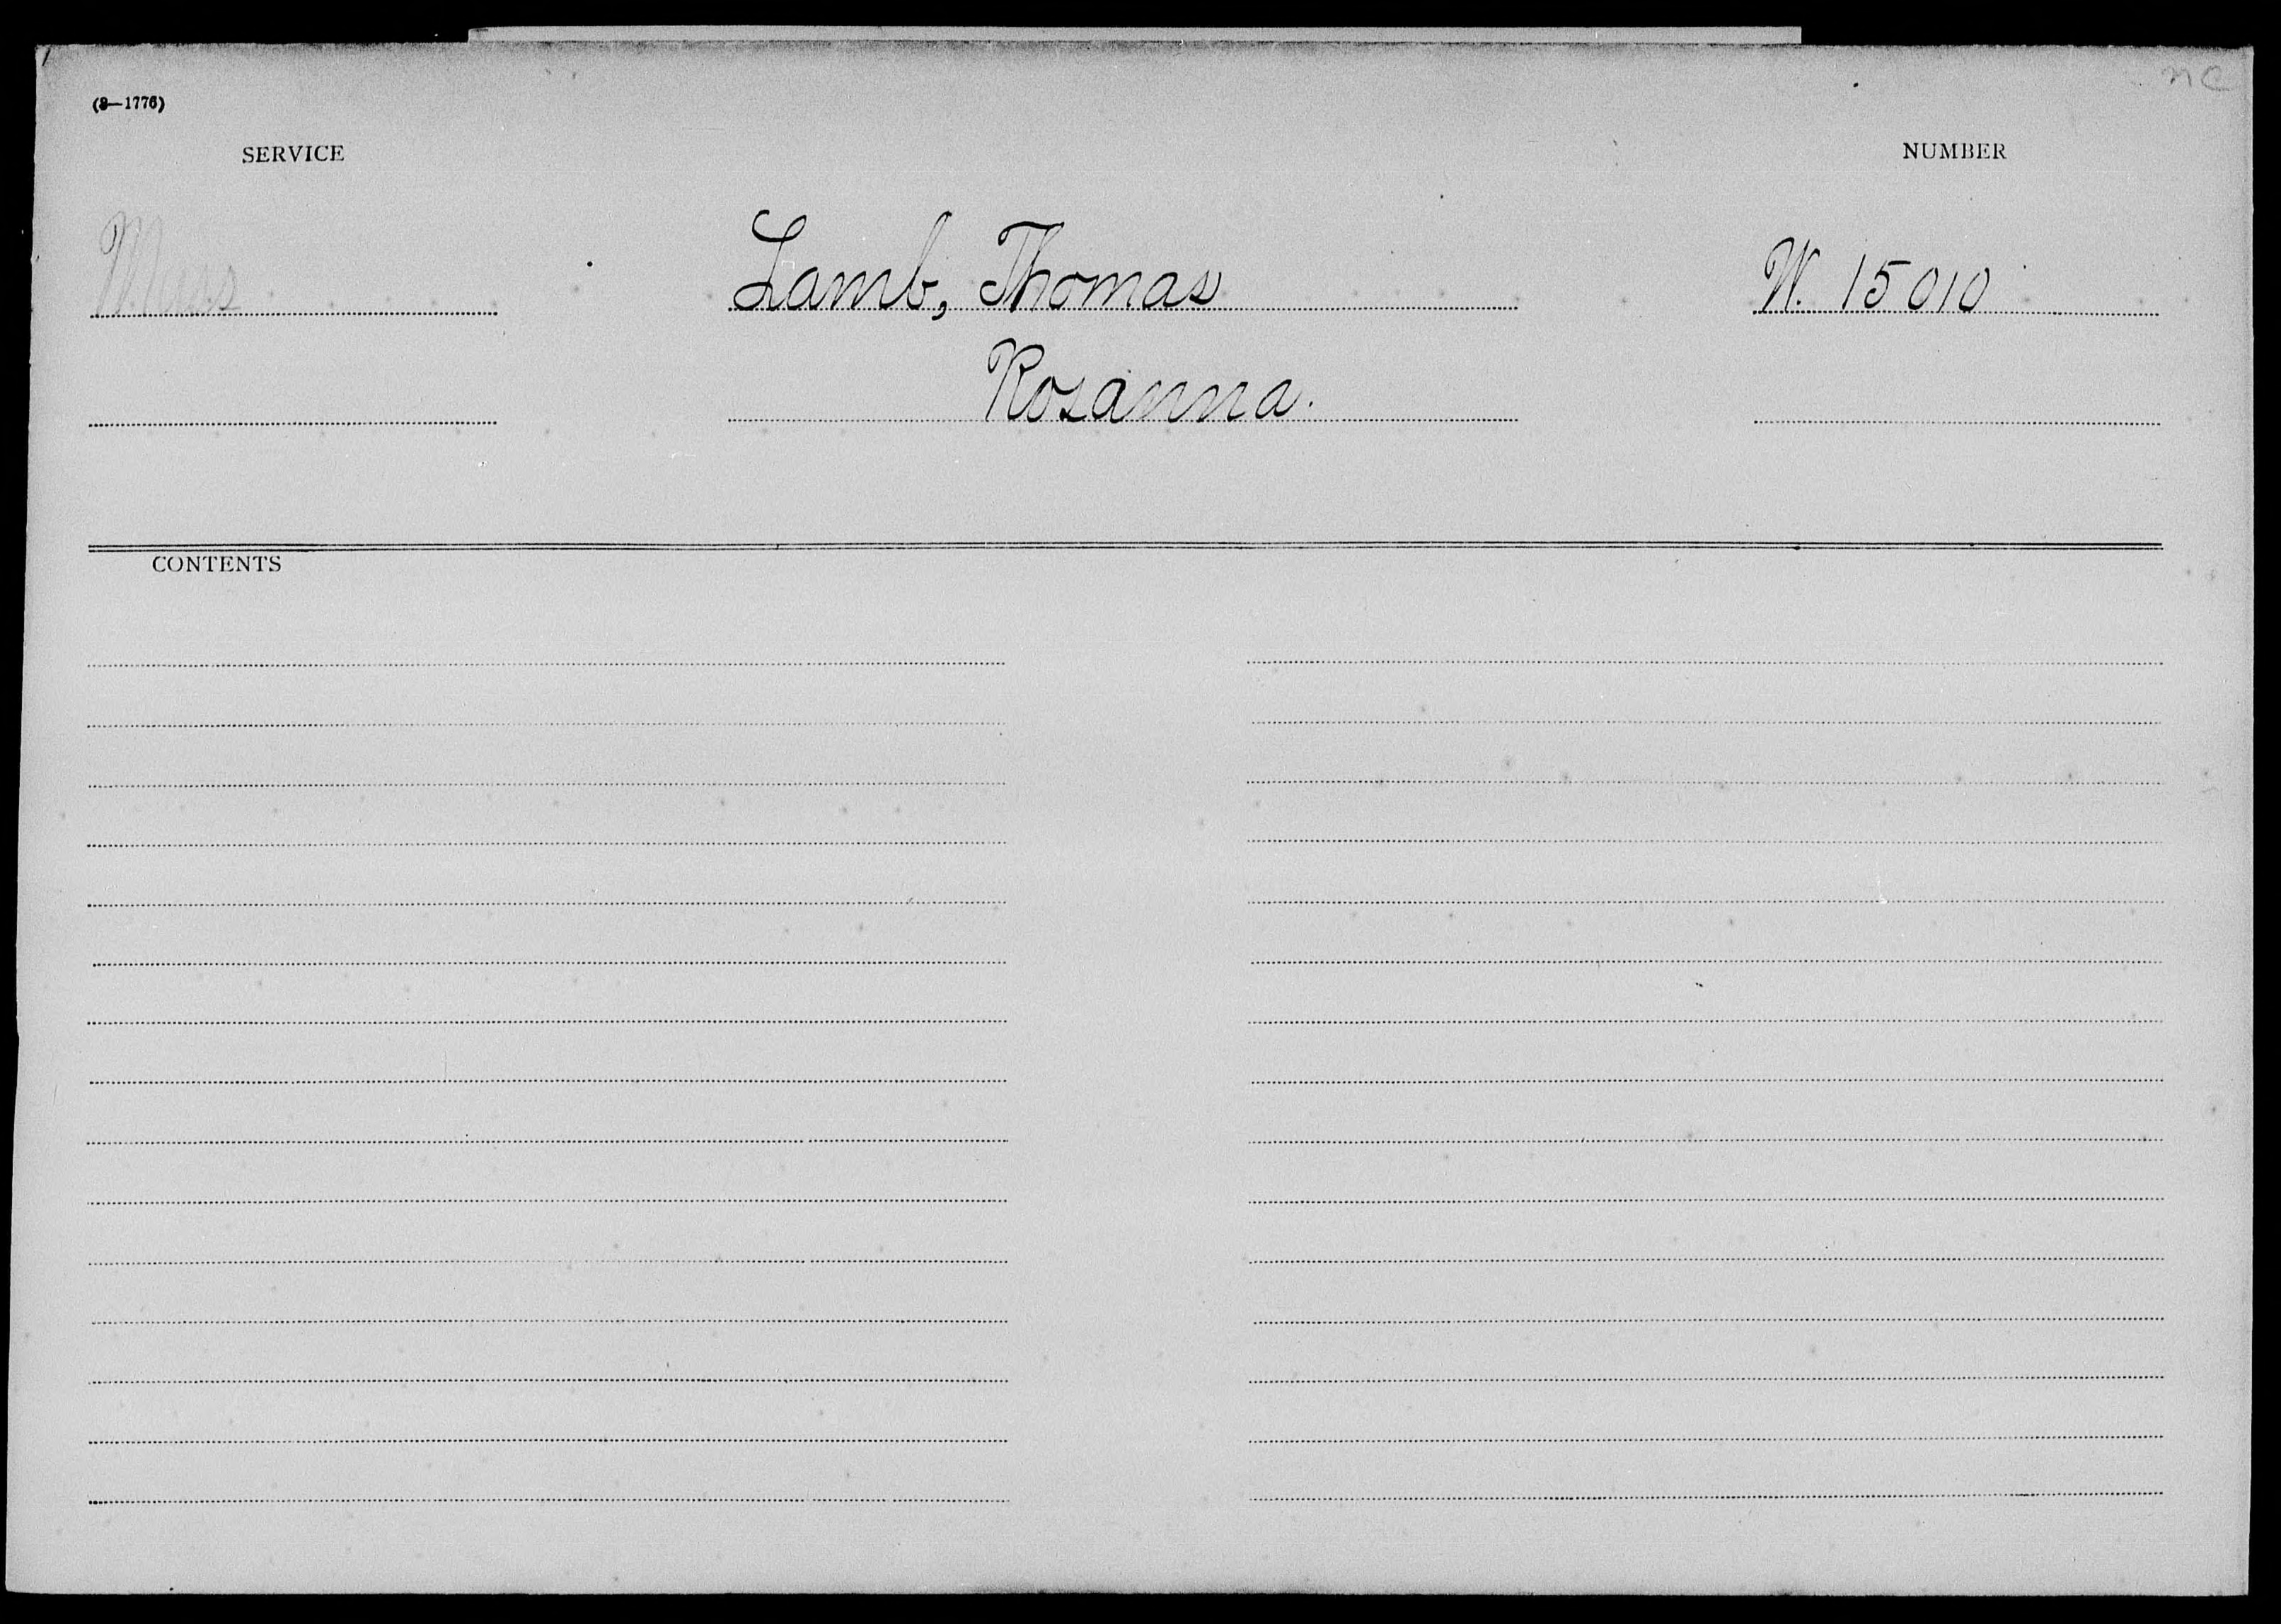SERVICE: Mass.

Lamb, Thomas
Rosanna

NUMBER: W.15010
CONTENTS:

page: 1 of 23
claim: widow's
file: W. 15010, for Thomas Lamb, Massachusetts